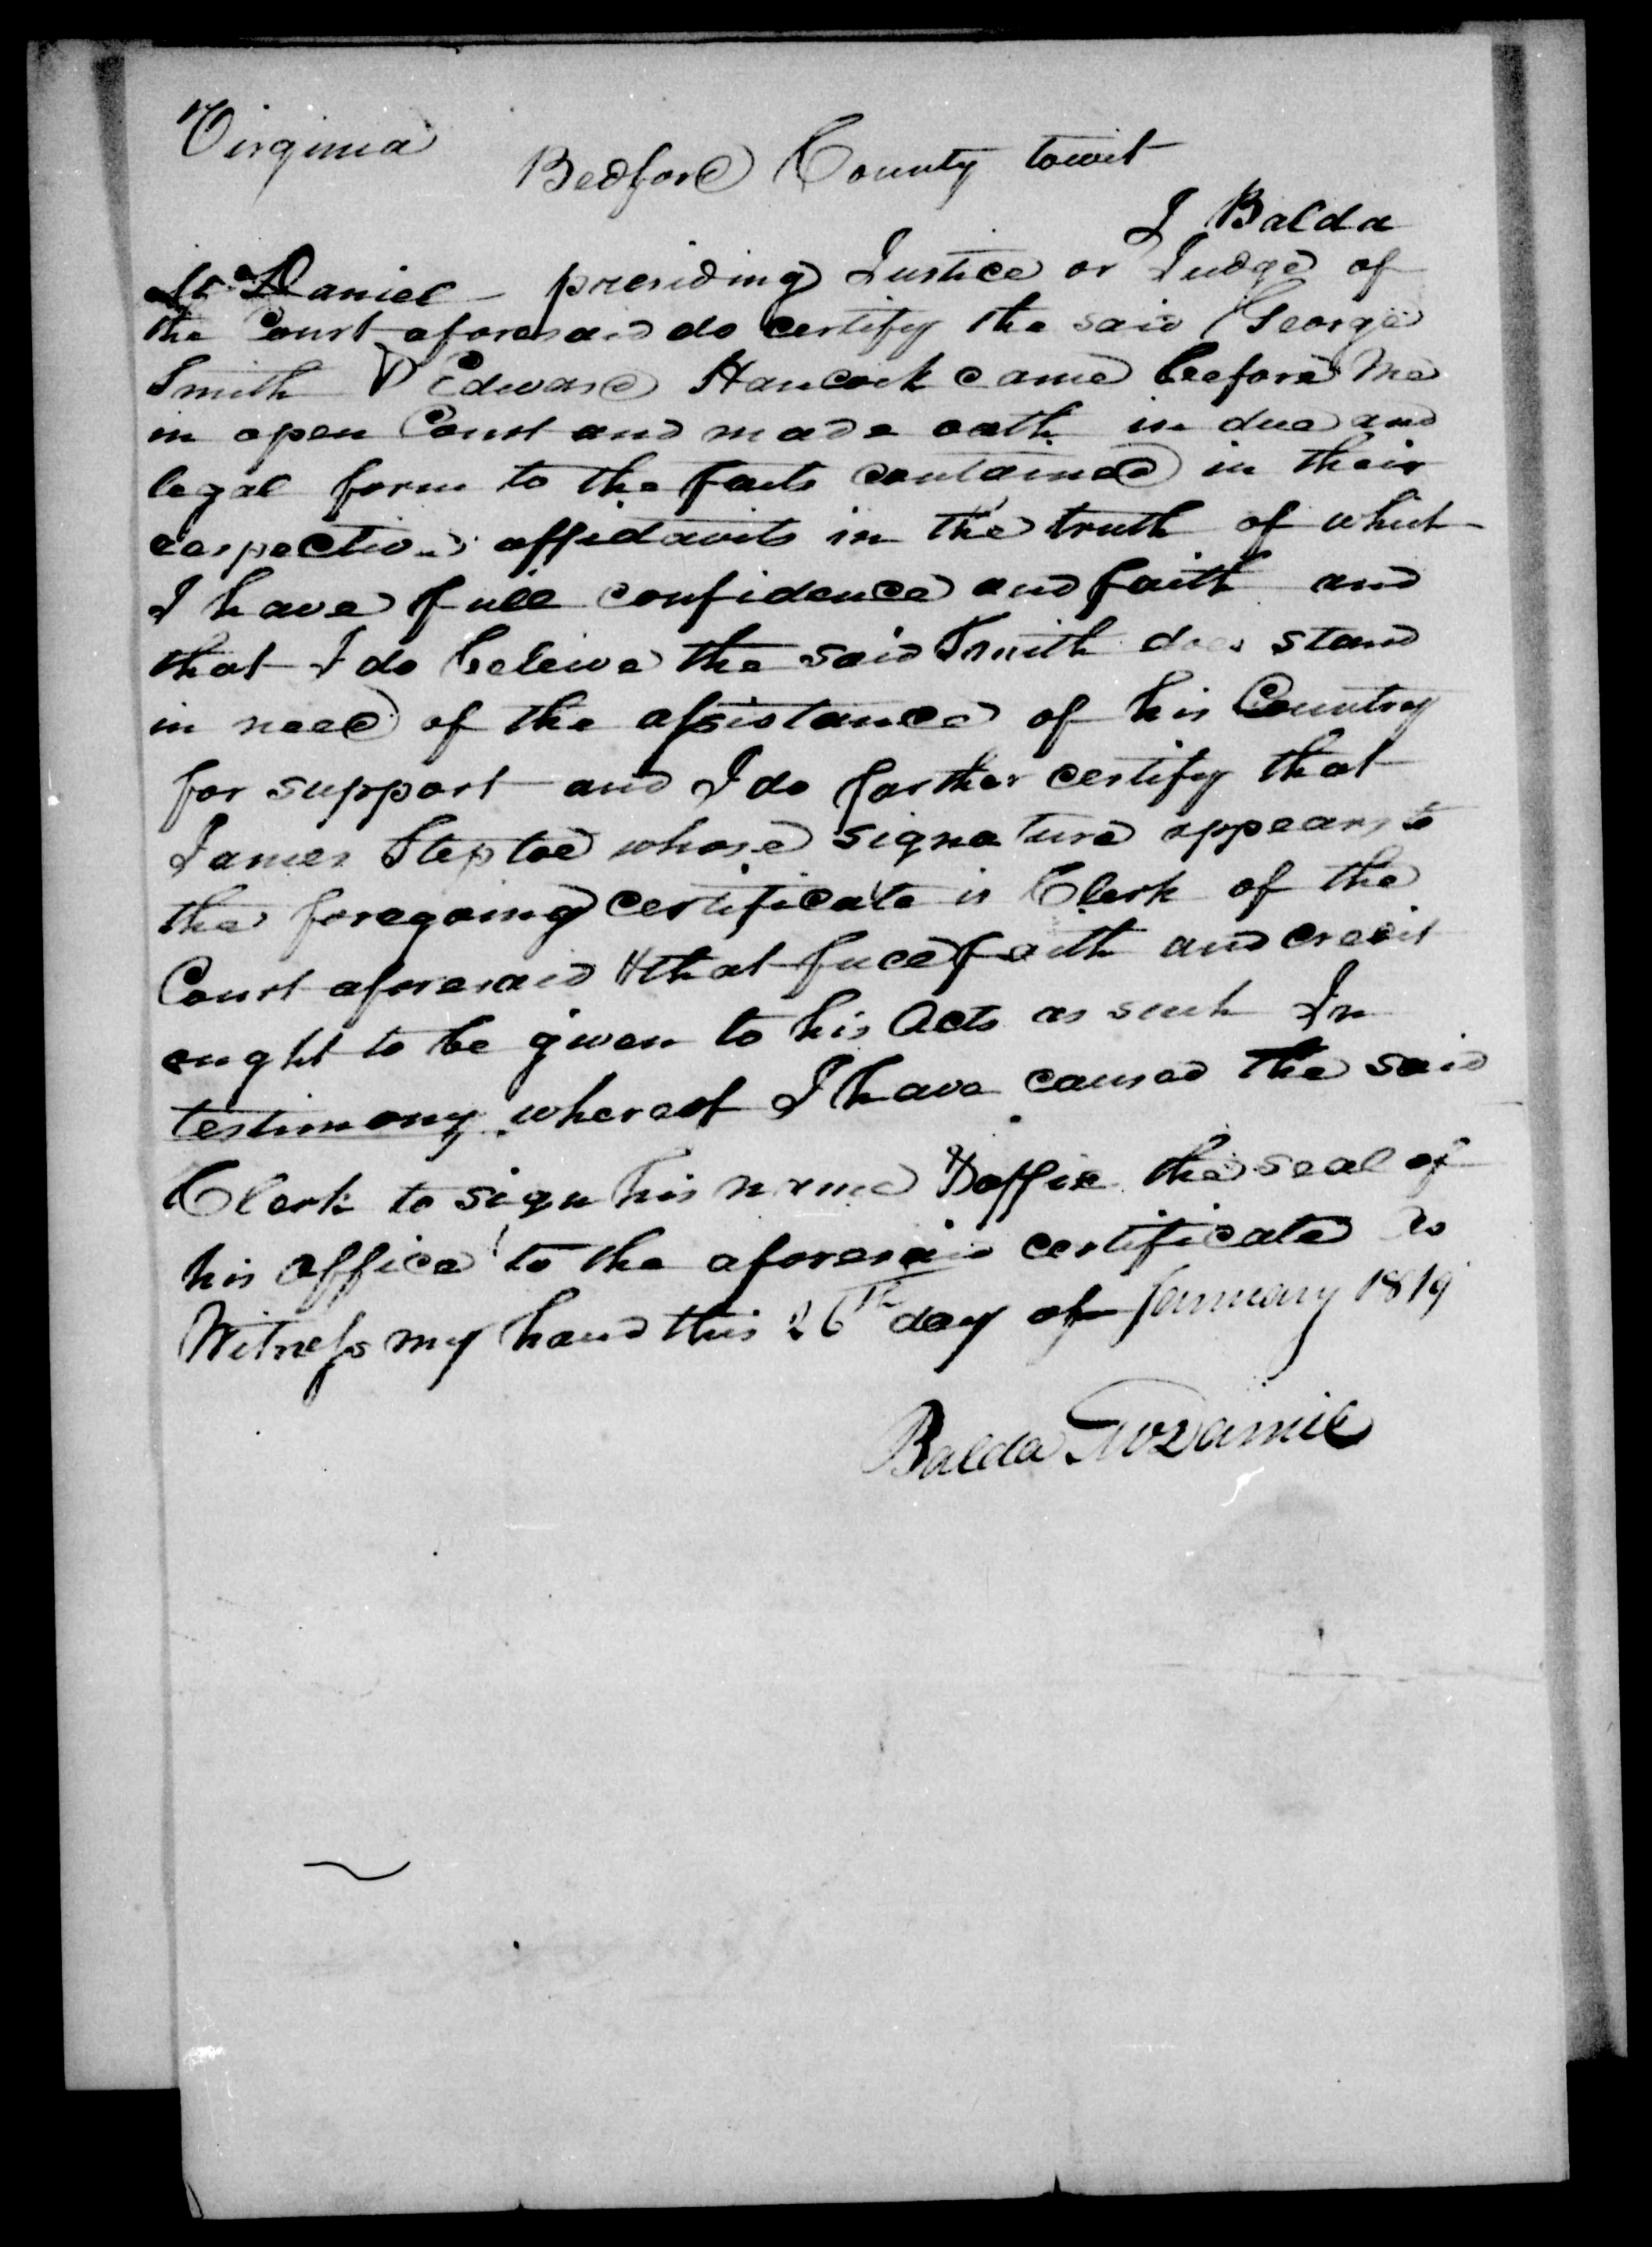Virginia
Bedford County to wit
I Balda McDaniel presiding Justice or Judge of the Court aforesaid do certify the said George Smith & Edward Hancock came before me in open Court and made oath in due and legal form to the facts contained in their {illegible} affidavits in the truth of which I have full confidence and faith and that I do believe the said Smith does stand in need of the assistance of his Country for support and I do further certify that James Steptoe whose signature appears to the foregoing certificate is Clerk of the Court aforesaid & that full faith and credit ought to be given to his acts as such In testimony whereof I have caused the  said Clerk to sign his name & affix the seal of his office  to the foresaid certificate as witness my hand this 26th day of January 1819
Balda McDaniel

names: George Smith; Edward Hancock; Balda Mc Daniel; [BLANK] Smith; James Steptoe; Daniel [BLANK]; Balda [BLANK]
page: 5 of 16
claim: survivor's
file: S. 38,386, for George Smith, Virginia